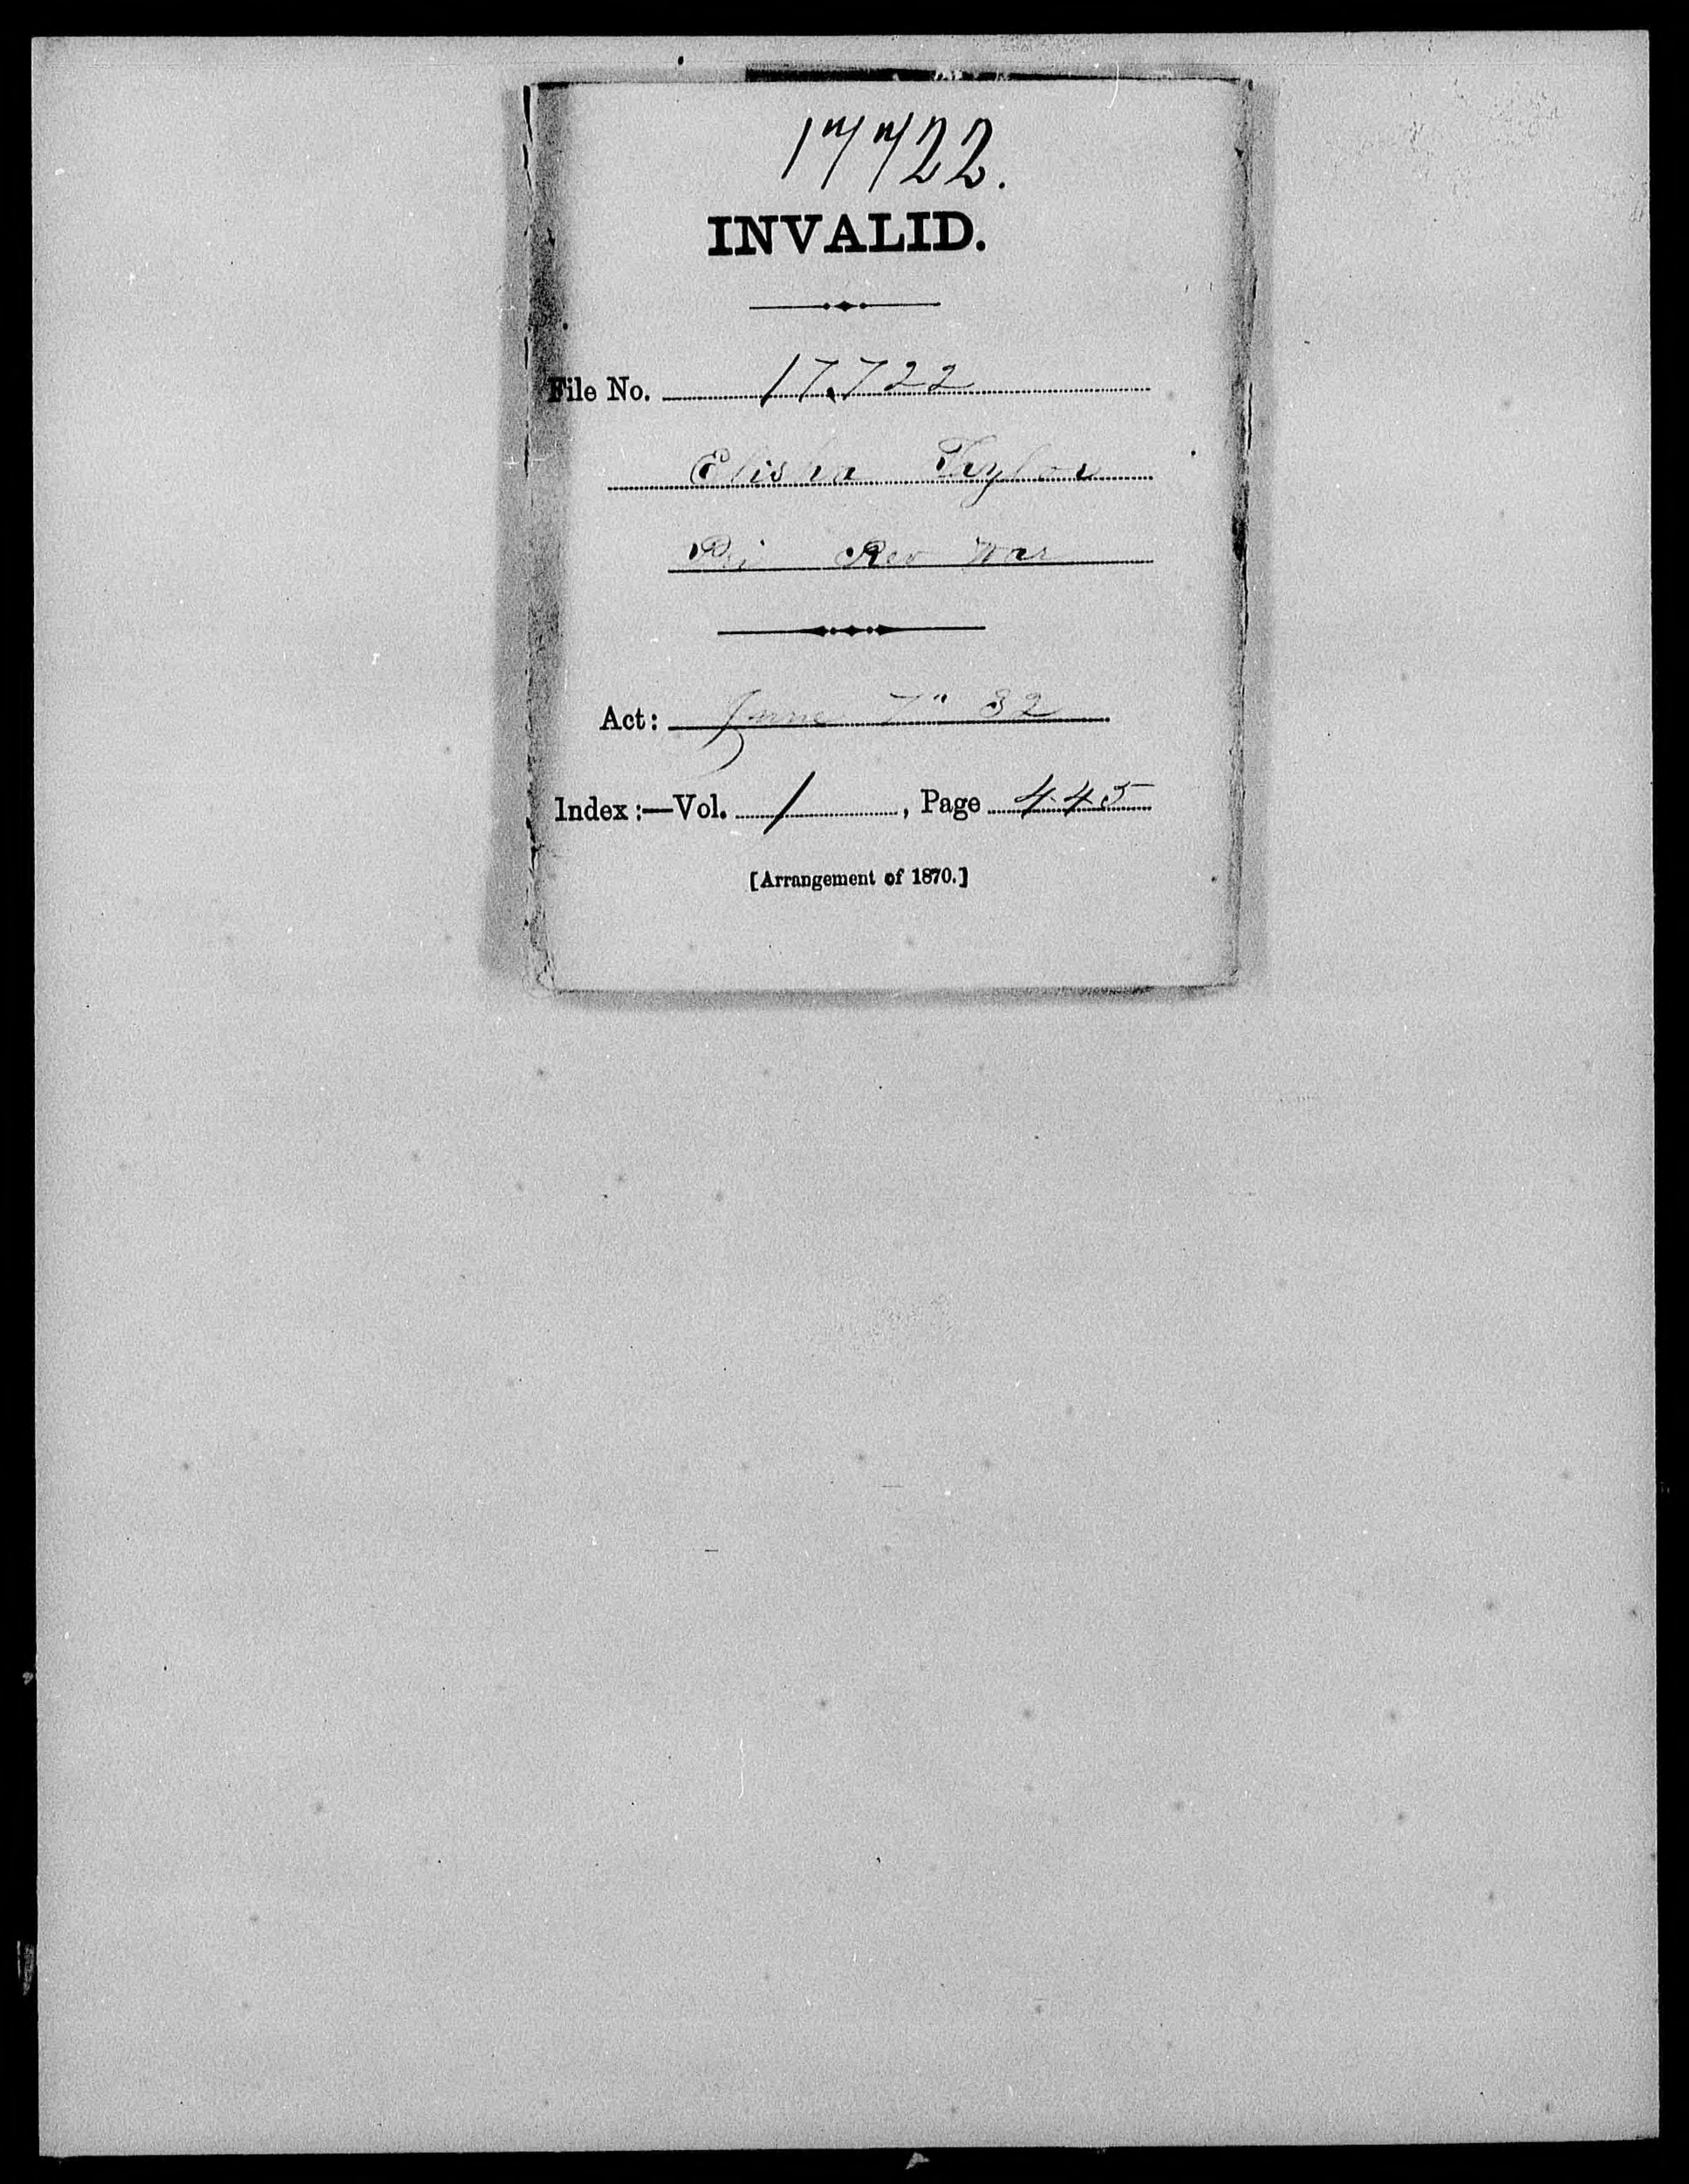17722
INVALID.
File No. 17,722
Elisha Taylor
Pri. Rev. War.
Act: June 7th 32
Index: -- Vol. 1, Page 445
[Arrangement of 1870]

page: 13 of 16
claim: survivor's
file: S. 17722, for Elisha Taylor, Connecticut